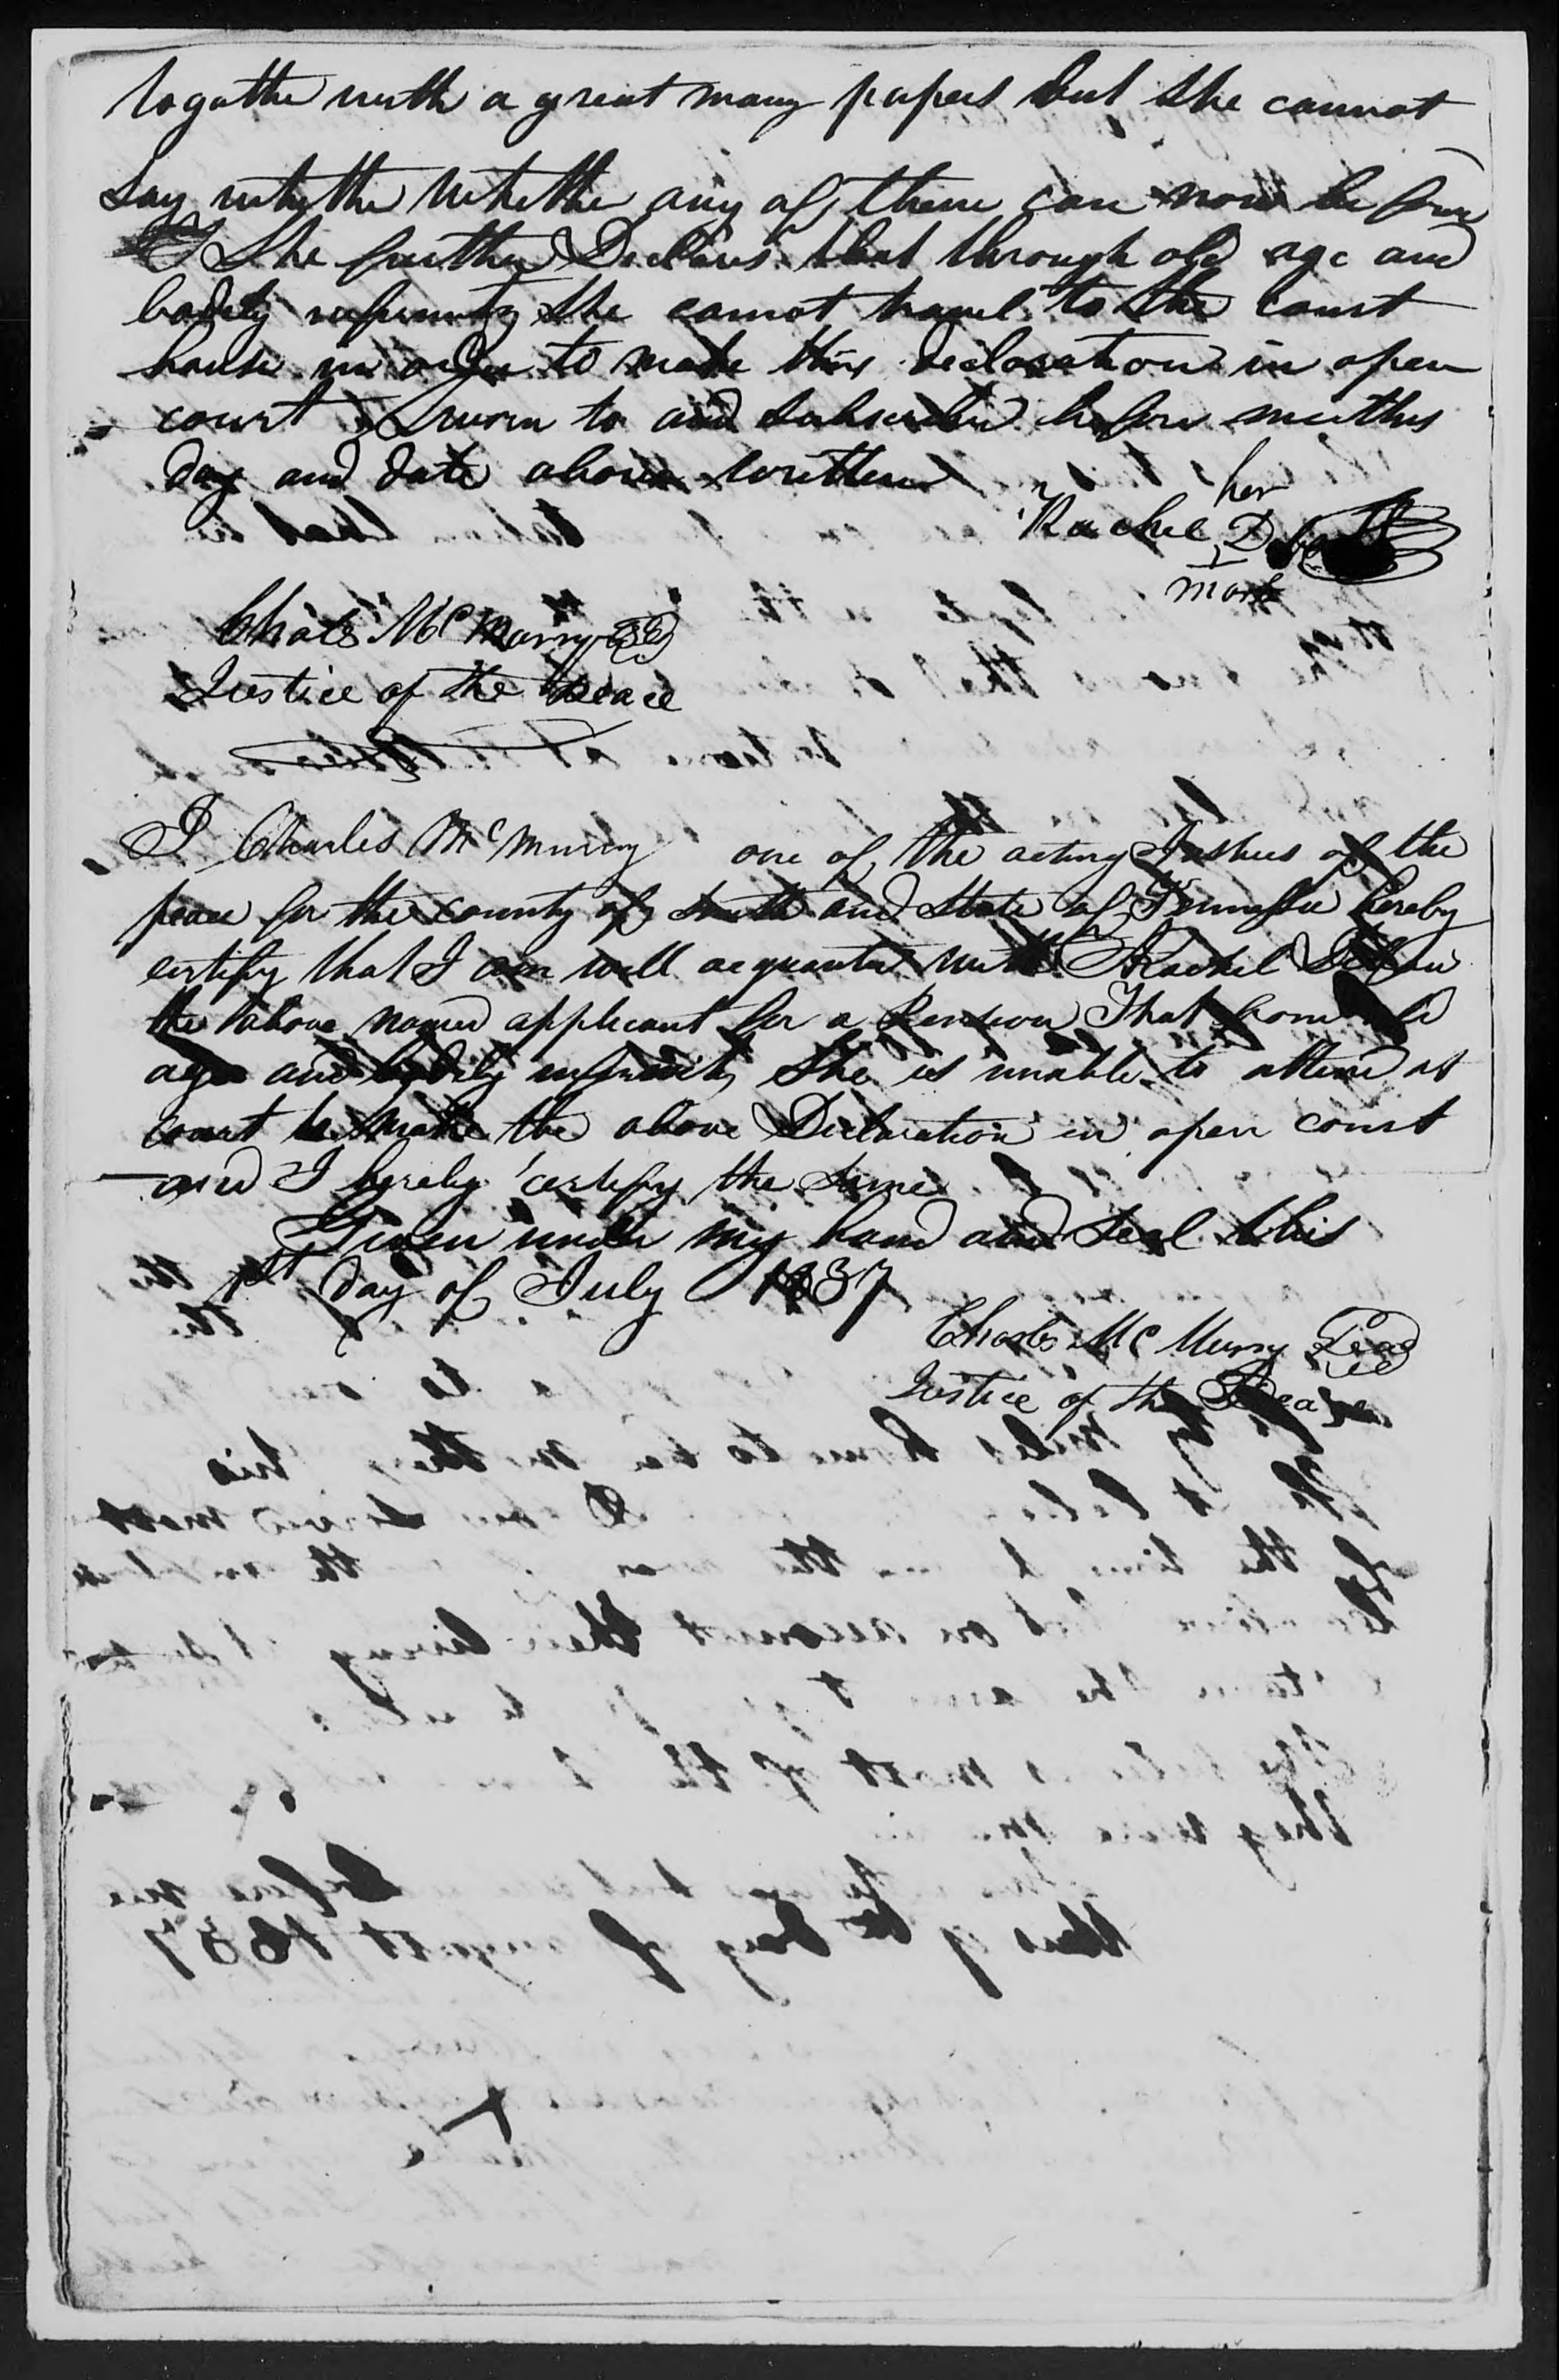Together with a great many papers but she cannot 
Say [strike through] whether any of them can [illegible] be from.
She further declares that through old age and 
Badly [illegible] she cannot [illegible] to the Court
House in [illegible] to [illegible] this declaration in [illegible]
Court sworn to and subscribed before me this
Day and date above [illegible]
				Her
			Rachel   Debow
				X
				mark
Charles McMurray 
Justice of the Pease

I Charles McMurry one of the acting justices of the 
Peace for the county of Smith and State of Tennessee hereby
Certify that I am well acquainted with Rachel Debow
The afore named applicant for a pension that from [illegible]
Ago and [illegible] [illegible] She is unable to [illegible] of 
Court [illegible] the above Declaration in open court
And I hereby certify the [illegible]
[illegible] under my hand and seal this 
1st day of July 1887

		Charles McMurray
		Justice of the Peace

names: Rachel Debow, Charles Mc Murry, Rachel Debow, Charles Mc Murry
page: 5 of 62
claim: widow's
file: W 7005, Frederick Debow, N.C.